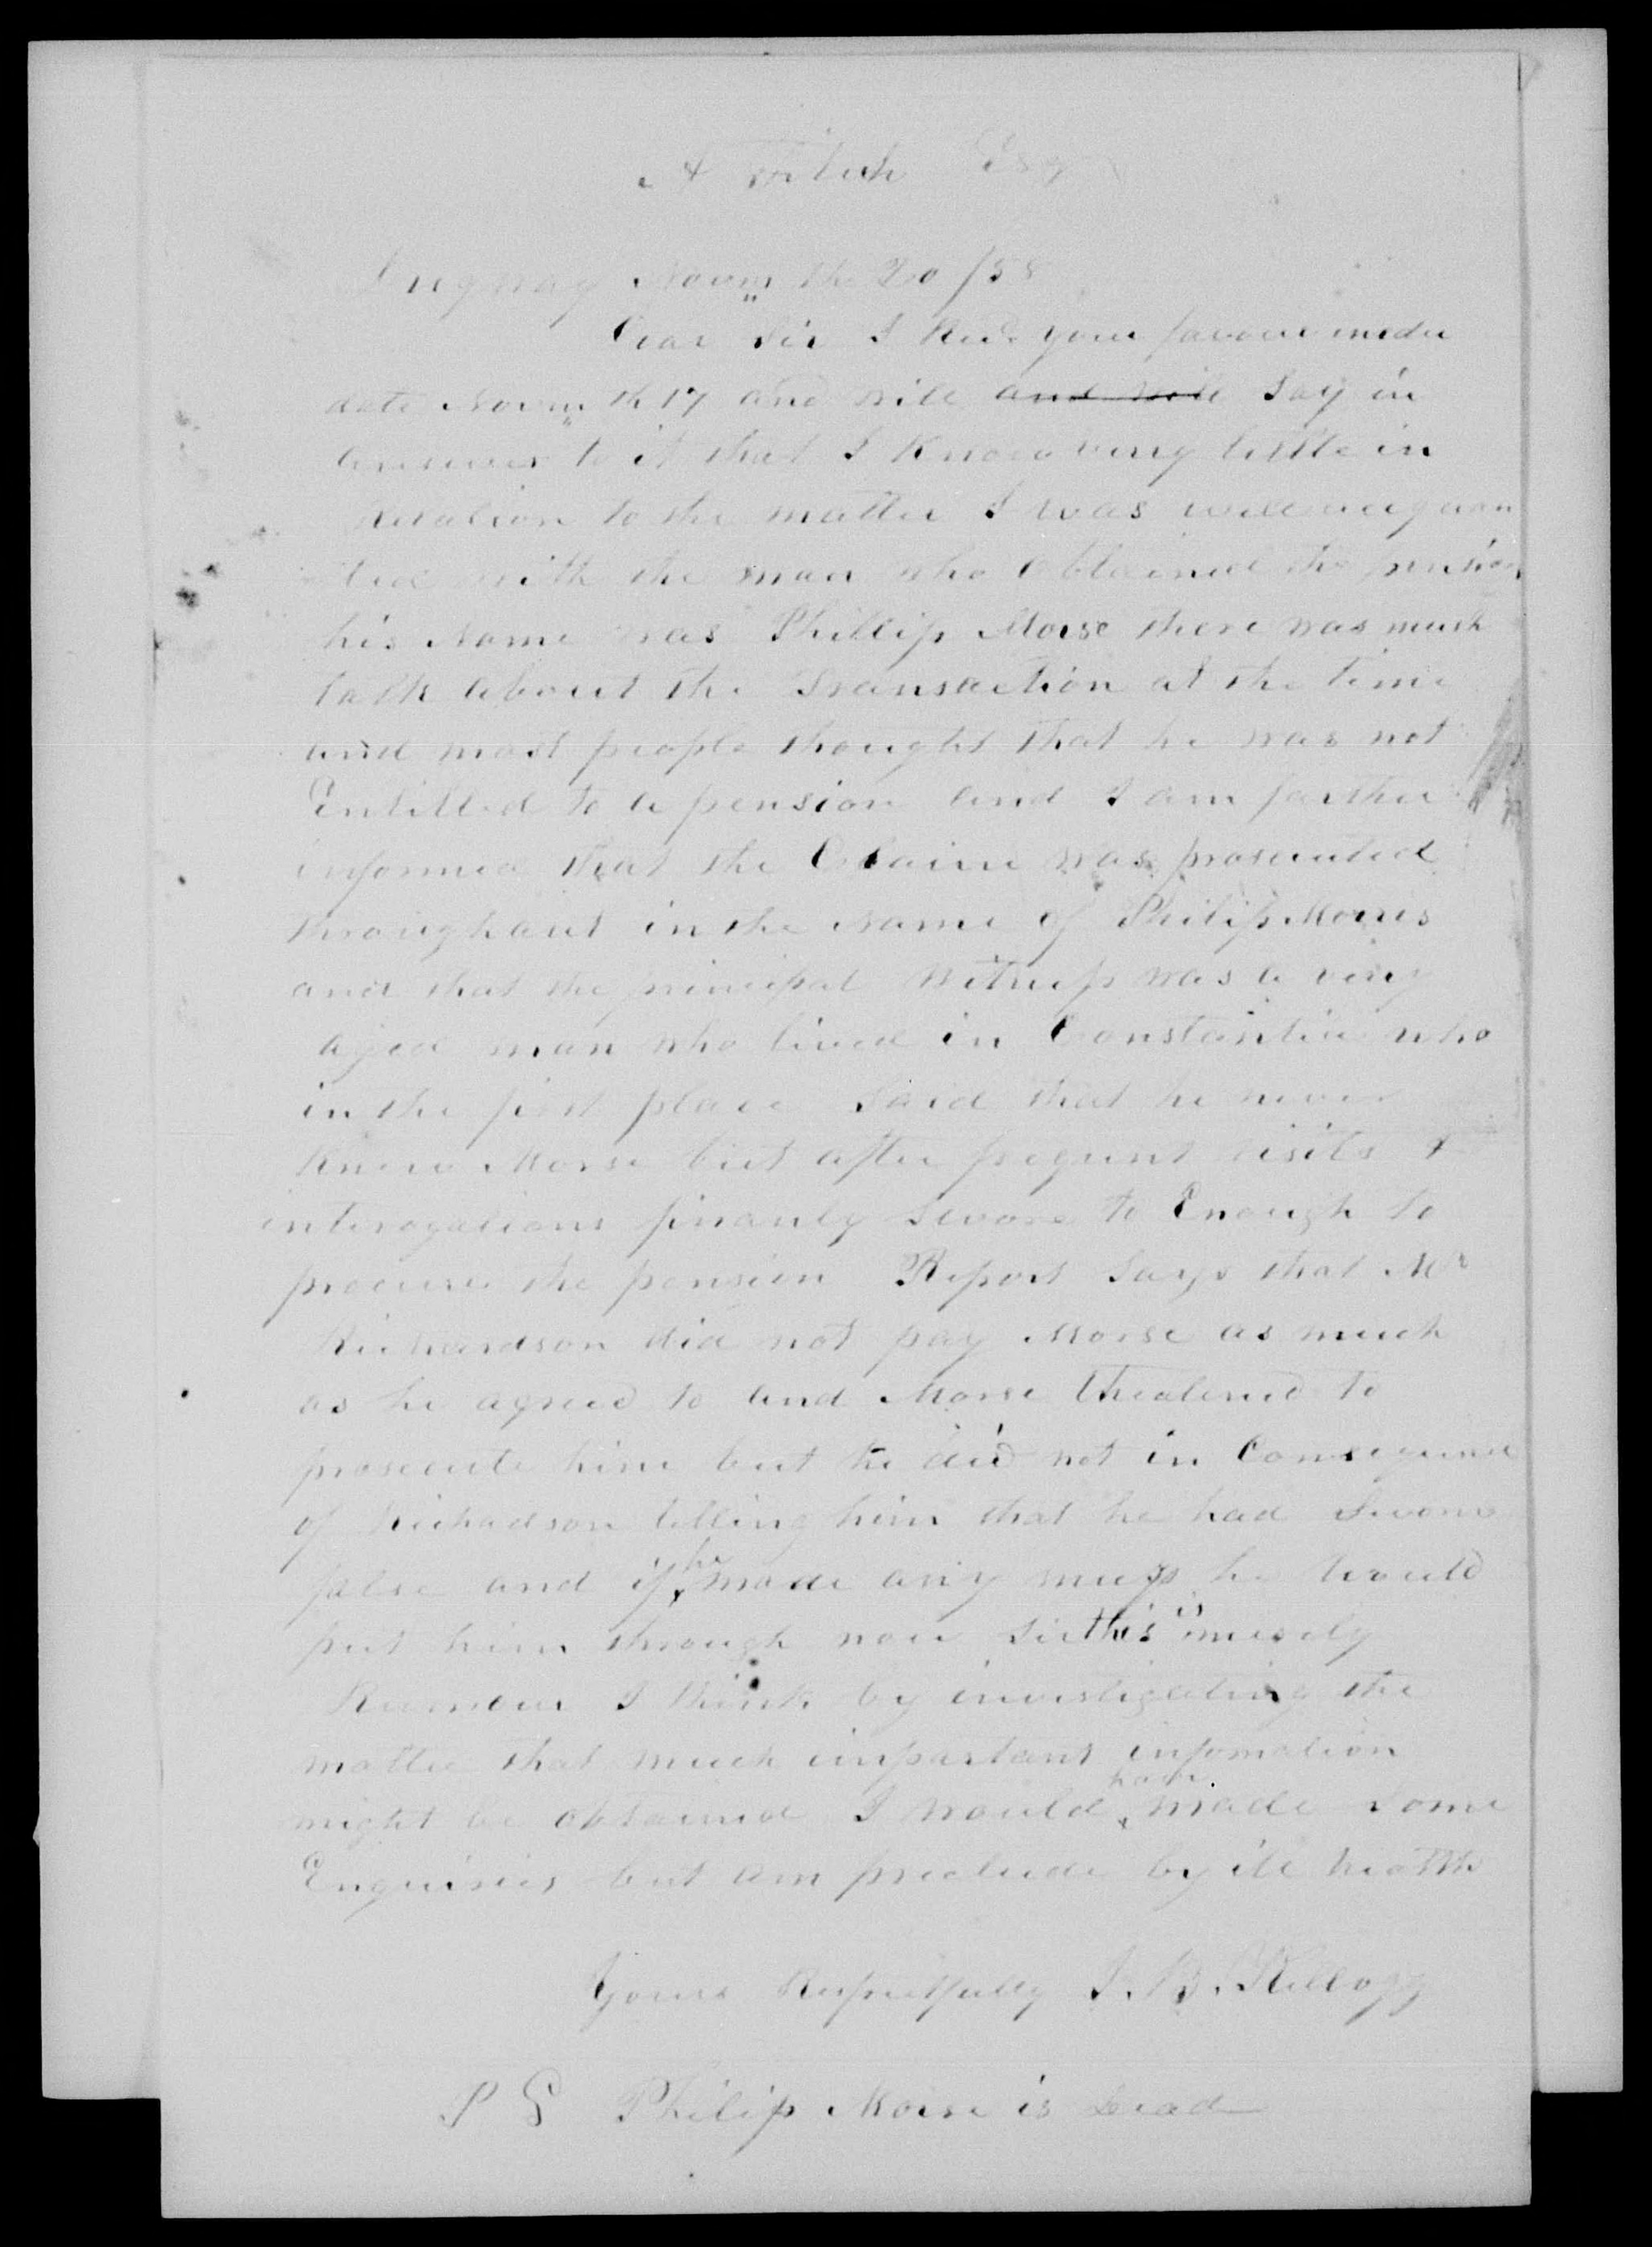A Fitch, Esquire
[unreadable] November 20, 1858
Dear Sirs
I have your favor under date November 17 and will say in response to it that I know very little in relation to the matter.  I was well acquainted with the man who I believe this pension.  His name was Philip Morse, there was much talk about the situation at the time.  Well most people thought that he was not entitled to a pension and I am further informed that the claim was prosecuted throughout in the name of Philip Morris and that the principal Witness was a very aged man who lived in Constantine who in the first place said that he never knew Morse but after [unreadable] visits and interrogations finally [unreadable] enough to procure the pension.  Report says that Mr. Richardson will not pay Morse as much as he agreed to and Morse threatened to prosecute him but he did not in consequence of Richardson telling him that he had Sworn false and if he made any mess he would put him through.  Now Sirs this is [unreadable].  I think by investigation in the matter that much important information might be obtained.  I would have made some inquiries but am prevented by ill health.  
Yours respectfully,   J. B. Kellogg
P. S. Philip Morse is dead.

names: J B Redogg; A Fitch; Philip Morris; Phillip Morse; [BLANK] Richardson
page: 15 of 44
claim: survivor's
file: S. 28,815, for Philip Morris, Rhode Island